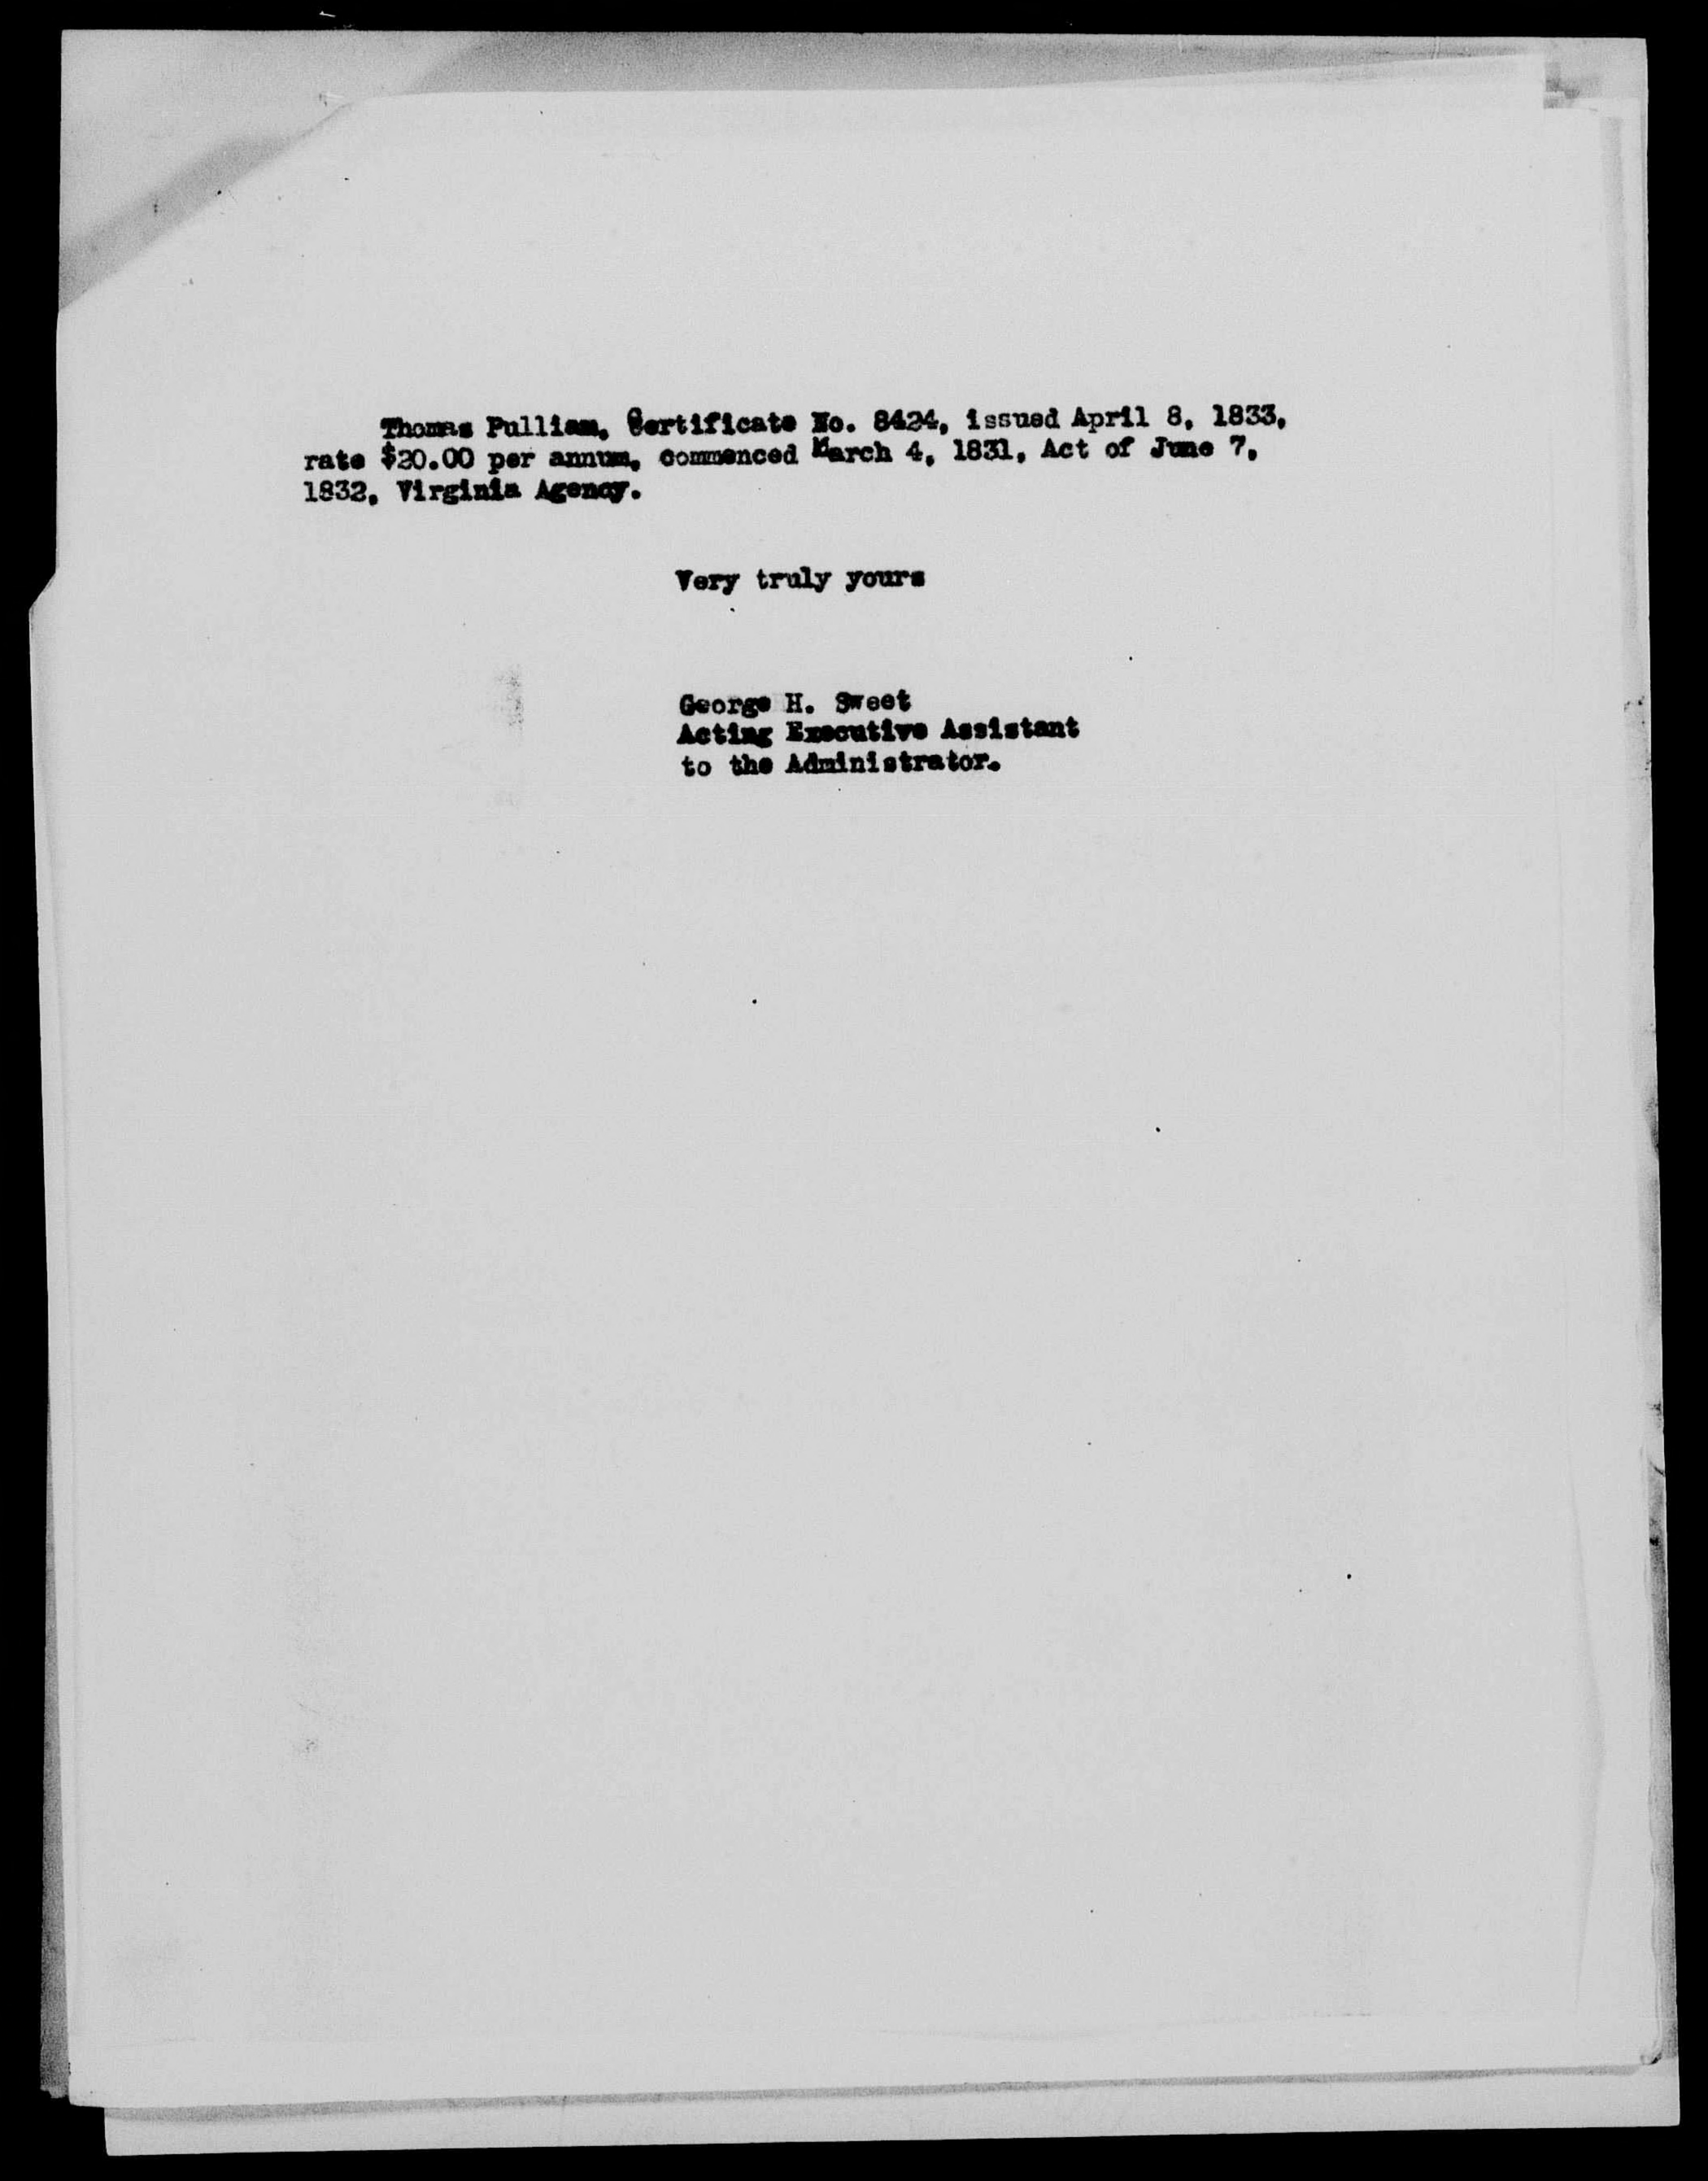Thomas Pulliam, Certificate No. 8424, issued April 8, 1833,
rate $20.00 per annum, commenced March 4, 1831, Act of June 7,
1832, Virginia Agency.

Very truly yours

George H. Sweet
Acting Executive Assistant
to the Administrator.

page: 10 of 27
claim: survivor's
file: S. 5,955, for Thomas Pulliam, Virginia